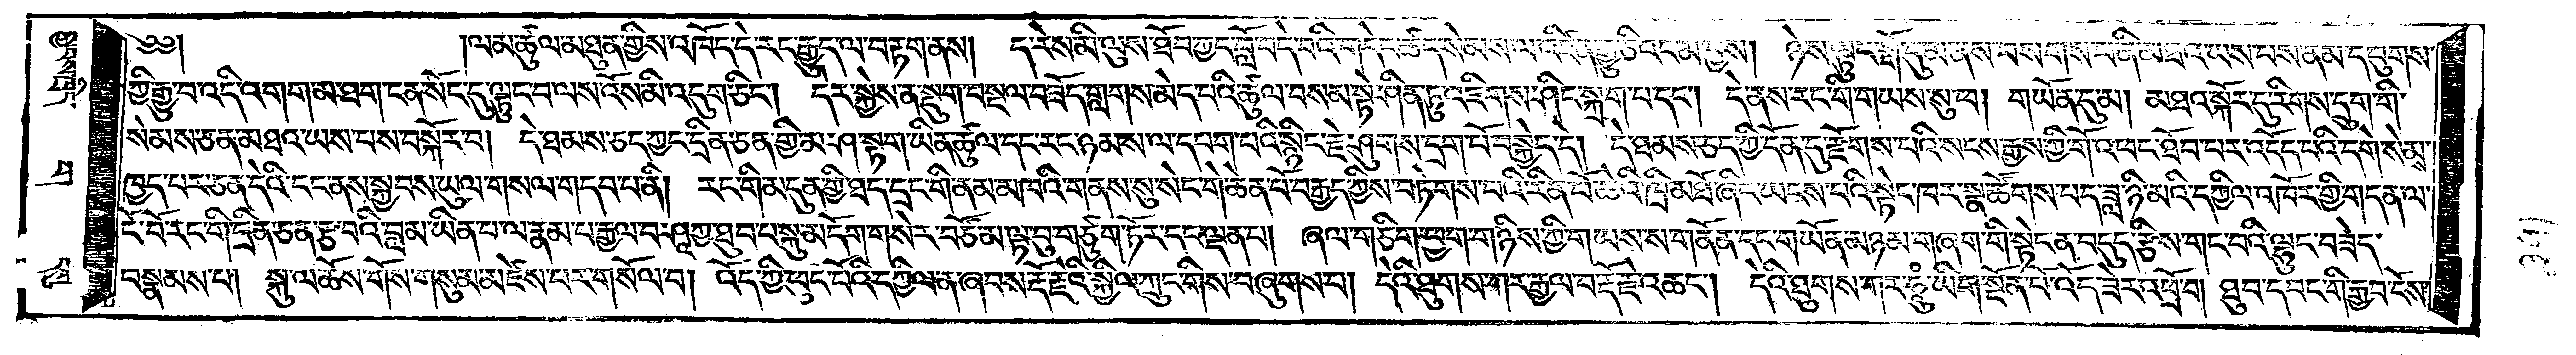༄༅། །ལམ་ཚུལ་མཐུན་གྱིས་འཁོད་དེ་རང་རྒྱུད་ལ་བརྟག་ནས། ད་ངེས་མི་ལུས་ཐོབ་ཀྱང་བློ་བདེ་བའི་གདེང་ཚད་སེམས་ལ་འཛིན་རྒྱུ་ཅིའང་མ་བྱས། ཉེས་ལྟུང་སྒོ་དུ་མ་ནས་བསགས་པ་ནི་མཐའ་ཡས་པས་ནམ་དབུགས་
ཀྱི་རྒྱུ་བ་འདི་འགག་མ་ཐག་ངན་སོང་དུ་ལྟུང་བ་ལས་འོས་མི་འདུག་ཅིང་། དེར་སྐྱེས་ན་སྡུག་བསྔལ་བཟོད་གླགས་མེད་པའི་ཚུལ་བསམ་སྟེ་ཤིན་ཏུ་འཇིགས་ཤིང་སྐྲག་པ་དང་། དེ་ནས་རང་གི་གཡས་སུ་ཕ། གཡོན་དུ་མ། མཐའ་སྐོར་དུ་རིགས་དྲུག་གི་
སེམས་ཅན་མཐའ་ཡས་པས་བསྐོར་བ། དེ་ཐམས་ཅད་ཀྱང་དྲིན་ཅན་གྱི་མ་ཤ་སྟག་ཡིན་ཚུལ་དང་རང་ཉམས་ལ་དཔག་པའི་སྙིང་རྗེ་ཤུགས་དྲག་པོ་བསྐྱེད་དེ། དེ་ཐམས་ཅད་ཀྱི་དོན་དུ་རྫོགས་པའི་སངས་རྒྱས་ཀྱི་གོ་འཕང་ཐོབ་པར་འདོད་པའི་དགེ་སེམས་
ཁྱད་པར་ཅན་དེའི་ངང་ནས་སྐྱབས་ཡུལ་གསལ་གདབ་པ་ནི། རང་གི་མདུན་གྱི་ཐད་དྲང་གི་ནམ་མཁའི་གནས་སུ་སེང་གེ་ཆེན་པོ་བརྒྱད་ཀྱིས་བཏེགས་པའི་རིན་པོ་ཆེའི་ཁྲི་མཐོ་ཞིང་ཡངས་པའི་སྟེང་ཁར་སྣ་ཚོགས་པད་ཟླ་ཉི་མའི་དཀྱིལ་འཁོར་གྱི་གདན་ལ་
ངོ་བོ་རང་གི་དྲིན་ཅན་རྩ་བའི་བླ་མ་ཡིན་པ་ལ་རྣམ་པ་རྒྱལ་བ་ཤཱཀྱ་ཐུབ་པ་སྐུ་མདོག་གསེར་བཙོམ་ལྟ་བུ་གཙུག་གཏོར་དང་ལྡན་པ། ཞལ་གཅིག་ཕྱག་གཉིས་ཀྱི་གཡས་ས་གནོན་དང་གཡོན་མཉམ་གཞག་གི་སྟེང་ན་བདུད་རྩིས་གང་བའི་ལྷུང་བཟེད་
བསྣམས་པ། སྐུ་ལ་ཆོས་གོས་གསུམ་མཛེས་པར་གསོལ་བ། འོད་ཀྱི་ཕུང་བོའི་དཀྱིལ་ན་ཞབས་རྡོ་རྗེའི་སྐྱིལ་ཀྲུང་གིས་བཞུགས་པ། དེའི་ཐུགས་ཀར་རྒྱལ་བ་རྡོ་རྗེ་འཆང་། དེའི་ཐུགས་ཀར་ཧཱུཾ་ཡིག་སྔོན་པོ་འོད་ཟེར་འཕྲོ་བ། ཐུབ་དབང་གི་རྒྱབ་ངོས་